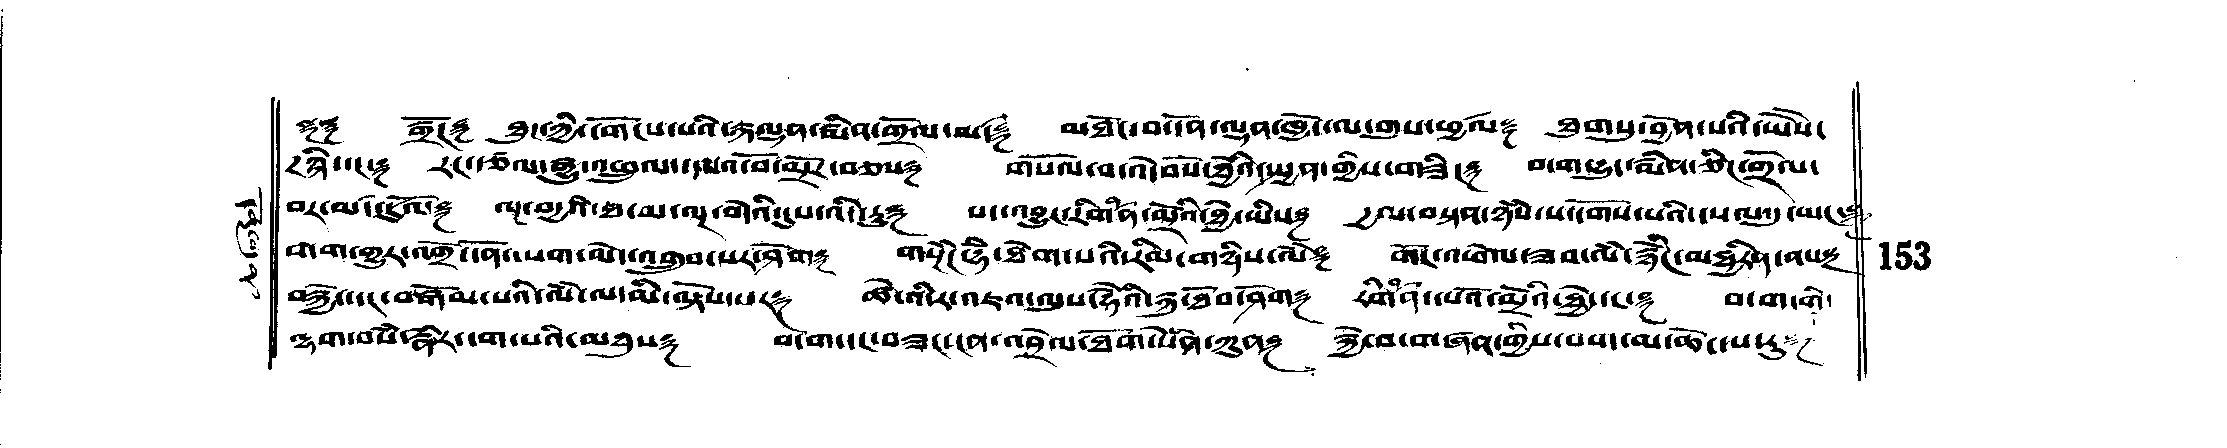སྒྲོག། །ཐུགས་ཀྱི་དགོངས་པའི་སྐལ་ལྡན་སྨིན་གྲོལ་མཛད། །མཐོང་བ་དོན་ལྡན་ཁྱོད་ལ་གུས་ཕྱག་འཚལ། །ཐུགས་སུ་བྱོན་པའི་ཡེ་ཤེས་
ཌཀྐི་དང་། །རང་རྩལ་སྒྱུ་འཕྲུལ་དཔའ་བོ་མཁའ་འགྲོར་བཅས། །གསོལ་བ་འདེབས་སོ་ཐུགས་རྗེའི་སྤྱན་གྱིས་གཟིགས། །བདག་རྒྱུད་སྨིན་ཅིང་གྲོལ་
བར་མཛད་དུ་གསོལ། །ལྔ་བརྒྱའི་ཐ་མ་ལྔ་བདོའི་དུས་འདི་རུ། །པད་འབྱུང་རིག་འཛིན་མཁའ་འགྲོའི་ཐུགས་རྗེ་ཡིས། །རྒྱལ་བསྟན་ཉམས་པ་དོགས་པའི་དཔལ་དུ་ཡང་། །
བདག་གྱུར་འགྲོ་དོན་དཔག་མེད་འགྲུབ་པར་ཤོག།གསང་སྔགས་རྡོ་རྗེ་ཐེག་པའི་རིམ་གཉིས་ལམ། །གོང་འཕེལ་ཟབ་ལམ་སྙིང་པོ་མཐར་ཕྱིན་ནས། །
བསྐྱེད་དང་བསྒོམ་པའི་ལམ་ལ་མི་ལྟོས་པར། །ཚེ་འདིར་འཇའ་ལུས་རྡོ་རྗེའི་སྐུ་ཐོབ་ཤོག །རིག་འཛིན་དཔའ་བོ་མཁའ་འགྲོ་ཐུགས་རྗེ་དང་། །བདག་གི་
ལྷག་བསམ་རྣམ་པར་དག་པའི་མཐུས། །བདག་དང་བཟང་ངན་འབྲེལ་ཐོག་སེམས་ཅན་ཀུན། །སྐྱེ་བ་གཞན་གྱིས་བར་མ་ཆོད་པ་རུ།